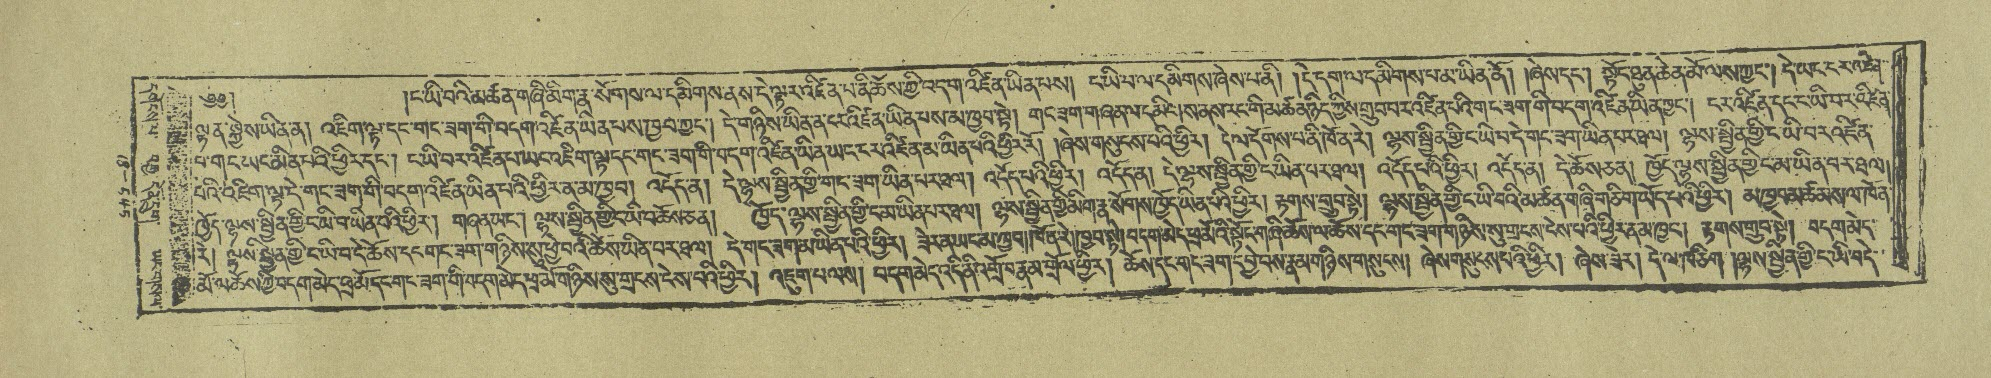༄༅། །ང་ཡི་བའི་མཚན་གཞི་མིག་རྣ་སོགས་ལ་དམིགས་ནས་དེ་ལྟར་འཛིན་པ་ནི་ཆོས་ཀྱི་བདག་འཛིན་ཡིན་པས། ང་ཡི་བ་ལ་དམིགས་ཞེས་པ་ནི། །དེ་དག་ལ་དམིགས་པ་མ་ཡིན་ནོ། །ཞེས་དང་། སྟོང་ཐུན་ཆེན་མོ་ལས་ཀྱང་། དེ་ཡང་ངར་འཛིན་
ལྷན་སྐྱེས་ཡིན་ན། འཇིག་ལྟ་དང་གང་ཟག་གི་བདག་འཛིན་ཡིན་པས་ཁྱབ་ཀྱང་། དེ་གཉིས་ཡིན་ན་ངར་འཛིན་ཡིན་པས་མ་ཁྱབ་སྟེ། གང་ཟག་གཞན་ལ་དམིགས་ནས་རང་གི་མཚན་ཉིད་ཀྱིས་གྲུབ་པར་འཛིན་པའི་གང་ཟག་གི་བདག་འཛིན་ཡིན་ཀྱང་། ངར་འཛིན་དང་ང་ཡི་བར་འཛིན་
པ་གང་ཡང་མིན་པའི་ཕྱིར་དང་། ང་ཡི་བར་འཛིན་པ་ཡང་འཇིག་ལྟ་དང་གང་ཟག་གི་བདག་འཛིན་ཡིན་ཡང་ངར་འཛིན་མ་ཡིན་པའི་ཕྱིར་རོ། ཞེས་གསུངས་པའི་ཕྱིར། དེ་ལ་དོགས་པ་ནི་ཁོ་ན་རེ། ལྷས་སྦྱིན་གྱི་ང་ཡི་བ་དེ་གང་ཟག་ཡིན་པར་ཐལ། ལྷས་སྦྱིན་གྱི་ང་ཡི་བར་འཛིན་
པའི་འཇིག་ལྟ་དེ་གང་ཟག་གི་བདག་འཛིན་ཡིན་པའི་ཕྱིར་ན་མ་ཁྱབ། འདོད་ན། དེ་ལྷས་སྦྱིན་གྱི་གང་ཟག་ཡིན་པར་ཐལ། འདོད་པའི་ཕྱིར། འདོད་ན། དེ་ལྷས་སྦྱིན་གྱི་ད་ཡིན་པར་ཐལ། འདོད་པའི་ཕྱིར། འདོད་ན། དེ་ཆོས་ཅན། ཁྱོད་ལྷས་སྦྱིན་གྱི་ང་མ་ཡིན་པར་ཐལ།
ཁྱོད་ལྷས་སྦྱིན་གྱི་ང་ཡི་བ་ཡིན་པའི་ཕྱིར། གཞན་ཡང་། ལྷས་སྦྱིན་གྱི་ང་ཡི་བ་ཆོས་ཅན། ཁྱོད་ལྷས་སྦྱིན་གྱི་ང་མ་ཡིན་པར་ཐལ། ལྷས་སྦྱིན་གྱི་མིག་རྣ་སོགས་ཁྱོད་ཡིན་པའི་ཕྱིར། རྟགས་གྲུབ་སྟེ། ལྷས་སྦྱིན་གྱི་ང་ཡི་བའི་མཚན་གཞི་གཅིག་ཡོད་པའི་ཕྱིར། མ་ཁྱབ་མཚམས་ལ་ཁོ་ན་
རེ། ལྷས་སྦྱིན་གྱི་ང་ཡི་བ་དེ་ཆོས་དང་གང་ཟག་གཉིས་སུ་ཕྱེ་བའི་ཆོས་ཡིན་པར་ཐལ། དེ་གང་ཟག་མ་ཡིན་པའི་ཕྱིར། ཟེར་ན་ཡང་མ་ཁྱབ་བོ། ཁོ་ན་རེ། ཁྱབ་སྟེ། བདག་མེད་ཕྲ་མོའི་སྟོང་གཞི་ཆོས་ལ་ཆོས་དང་གང་ཟག་གཉིས་སུ་གྲངས་ངེས་པའི་ཕྱིར་ན་མ་ཁྱབ། རྟགས་གྲུབ་སྟེ། བདག་མེད་ཕྲ་
མོ་ལ་ཆོས་ཀྱི་བདག་མེད་ཕྲ་མོ་དང་གང་ཟག་གི་བདག་མེད་ཕྲ་མོ་གཉིས་སུ་གྲངས་ངེས་པའི་ཕྱིར། འཇུག་པ་ལས། བདག་མེད་འདི་ནི་འགྲོ་བ་རྣམ་གྲོལ་ཕྱིར། ཆོས་དང་གང་ཟག་དབྱེ་བས་རྣམ་གཉིས་གསུངས། ཞེས་གསུངས་པའི་ཕྱིར། ཞེས་ཟེར། དེ་ལ་ཁ་ཅིག །ལྷས་སྦྱིན་གྱི་ང་ཡི་བདེ་